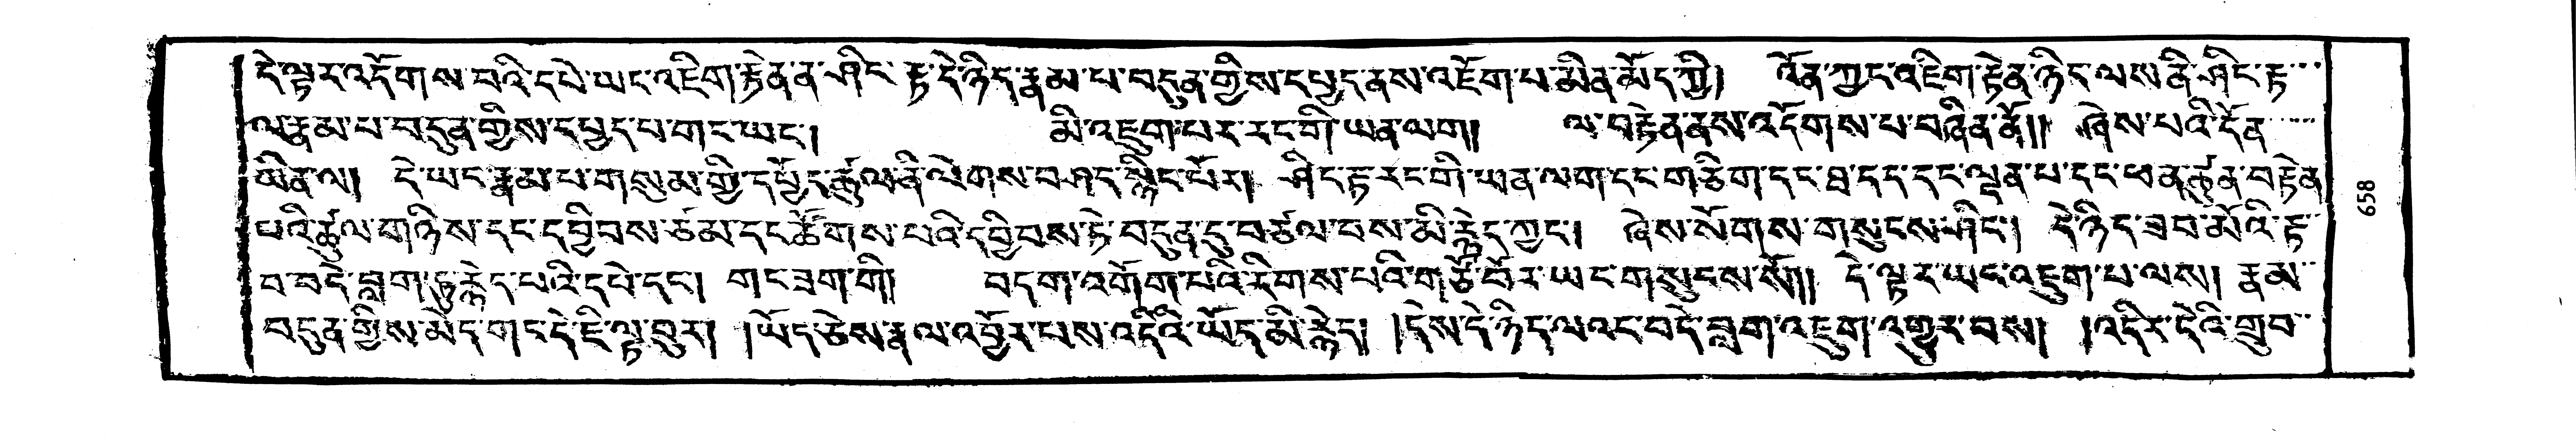དེ་ལྟར་འདོགས་པའི་དཔེ་ཡང་འཇིག་རྟེན་ན་ཤིང་རྟ་དེ་ཉིད་རྣམ་པ་བདུན་གྱིས་དཔྱད་ནས་འཇོག་པ་མིན་མོད་ཀྱི། འོན་ཀྱང་འཇིག་རྟེན་ཉིད་ལས་ནི་ཤིང་རྟ་
ལ་རྣམ་པ་བདུན་གྱིས་དཔྱད་པ་གང་ཡང་། མི་འཇུག་པར་རང་གི་ཡན་ལག། ལ་བརྟེན་ནས་འདོགས་པ་བཞིན་ནོ། །ཞེས་པའི་དོན་
ཡིན་ལ། དེ་ཡང་རྣམ་པ་གསུམ་གྱི་དཔྱོད་ཚུལ་ནི་ལེགས་བཤད་སྙིང་པོར། ཤིང་རྟ་རང་གི་ཡན་ལག་དང་གཅིག་དང་ཐ་དད་དང་ལྡན་པ་དང་ཕན་ཚུན་བརྟེན་
པའི་ཚུལ་གཉིས་དང་དབྱིབས་ཙམ་དང་ཚོགས་པའི་དབྱིབས་ཏེ་བདུན་དུ་བཙལ་བས་མི་རྙེད་ཀྱང་། ཞེས་སོགས་གསུངས་ཤིང་། དེ་ཉིད་ཟབ་མོའི་རྟ་
བ་བདེ་བླག་ཏུ་རྙེད་པའི་དཔེ་དང་། གང་ཟག་གི། བདག་འགོག་པའི་རིགས་པའི་གཙོ་བོར་ཡང་གསུངས་སོ། །དེ་ལྟར་ཡང་འཇུག་པ་ལས། རྣམ་
བདུན་གྱིས་མེད་གང་དེ་ཇི་ལྟ་བུར། །ཡོད་ཅེས་རྣལ་འབྱོར་པས་འདིའི་ཡོད་མི་རྙེད། །དེས་དེ་ཉིད་ལའང་བདེ་བླག་འཇུག་འགྱུར་བས། །འདིར་དེའི་གྲུབ་